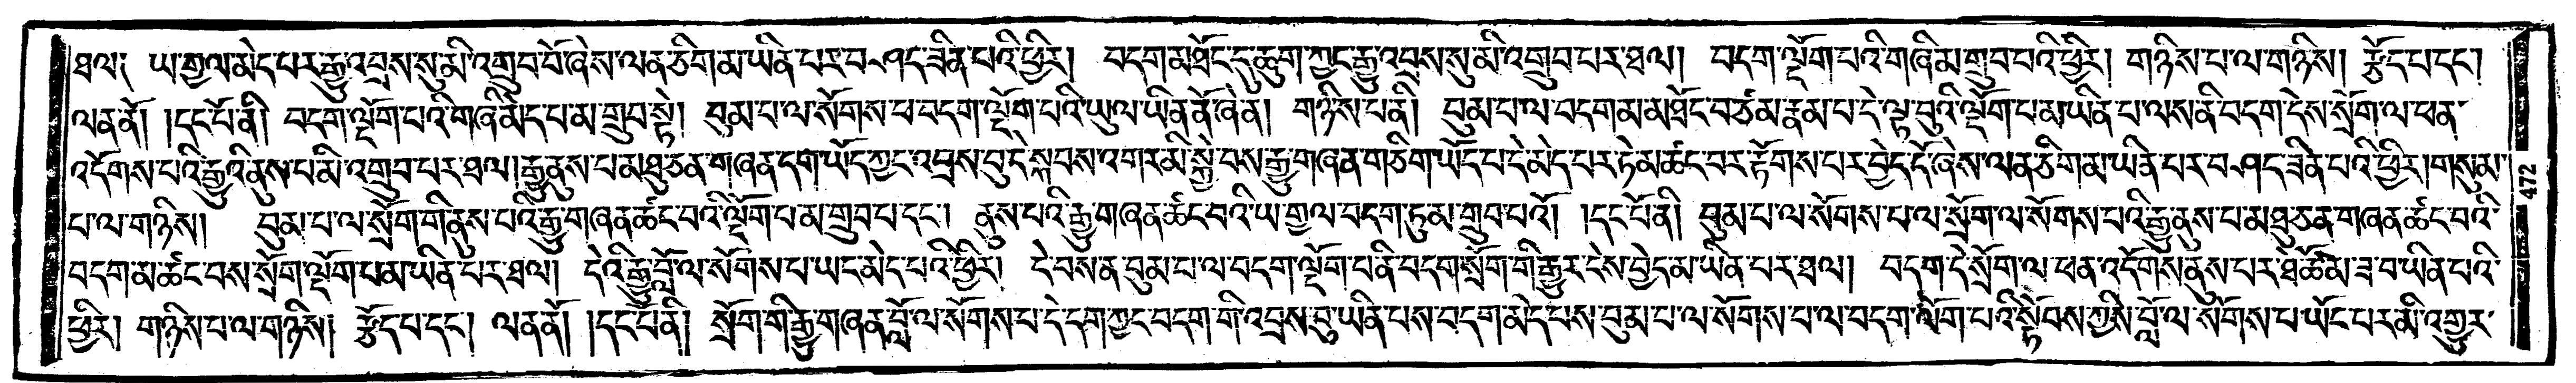ཐལ༑ ཡ་གྱལ་མེད་པར་རྒྱུ་འབྲས་སུ་མི་འགྲུབ་བོ་ཞེས་ལན་ཅིག་མ་ཡིན་པར་བཤད་ཟིན་པའི་ཕྱིར། བདག་མཐོང་དུ་ཆུག་ཀྱང་རྒྱུ་འབྲས་སུ་མི་འགྲུབ་པར་ཐལ། བདག་ལྡོག་པའི་གཞི་མ་གྲུབ་པའི་ཕྱིར། གཉིས་པ་ལ་གཉིས། རྩོད་པ་དང་།
ལན་ནོ། །དང་པོ་ནི། བདག་ལྡོག་པའི་གཞི་མེད་པ་མ་གྲུབ་སྟེ། བུམ་པ་ལ་སོགས་ཕ་བདག་ལྡོག་པའི་ཡུལ་ཡིན་ནོ་ཞེ་ན། གཉིས་པ་ནི། བུམ་པ་ལ་བདག་མ་མཐོང་བ་ཙམ་རྣམ་པ་དེ་ལྟ་བུའི་ལྡོག་པ་མ་ཡིན་པ་ལས་ནི་བདག་དེས་སྲོག་ལ་ཕན་
འདོགས་པའི་རྒྱུའི་ནུས་པ་མི་འགྲུབ་པར་ཐལ། རྒྱུ་ནུས་པ་མཐུ་ཅན་གཞན་དག་ཡོད་ཀྱང་འབྲས་བུ་དེ་སྐབས་འགར་མི་སྐྱེ་བས་རྒྱུ་གཞན་གཅིག་ཡོད་པ་དེ་མེད་པར་ཏེ་མ་ཚང་བར་རྟོགས་པར་བྱེད་དོ་ཞེས་ལན་ཅིག་མ་ཡིན་པར་བཤད་ཟིན་པའི་ཕྱིར། གསུམ་
པ་ལ་གཉིས། བུམ་པ་ལ་སྲོག་གི་ནུས་པའི་རྒྱུ་གཞན་ཚང་བའི་ལྡོག་པ་མ་གྲུབ་པ་དང་། ནུས་པའི་རྒྱུ་གཞན་ཚང་བའི་ཡ་གྱལ་བདག་ཏུ་མ་གྲུབ་པའོ། །དང་པོ་ནི། བུམ་པ་ལ་སོགས་པ་ལ་སྲོག་ལ་སོགས་པའི་རྒྱུ་ནུས་པ་མཐུ་ཅན་གཞན་ཚང་བའི་
བདག་མ་ཚང་བས་སྲོག་ལྡོག་པ་མ་ཡིན་པར་ཐལ། དེའི་རྒྱུ་བློ་ལ་སོགས་པ་ཡང་མེད་པའི་ཕྱིར། དེ་བས་ན་བུམ་པ་ལ་བདག་ལྡོག་པ་ནི་བདག་སྲོག་གི་རྒྱུར་ངེས་བྱེད་མ་ཡིན་པར་ཐལ། བདག་དེ་སྲོག་ལ་ཕན་འདོགས་ནུས་པར་ཐེ་ཚོམ་ཟ་བ་ཡིན་པའི་
ཕྱིར། གཉིས་པ་ལ་གཉིས། རྩོད་པ་དང་། ལན་ནོ། །དང་པོ་ནི། སྲོག་གི་རྒྱུ་གཞན་བློ་ལ་སོགས་པ་དེ་དག་ཀྱང་བདག་གི་འབྲས་བུ་ཡིན་པས་བདག་མེད་པས་བུ་མ་པ་ལ་སོགས་པ་ལ་བདག་ལོག་པའི་སྟོབས་ཀྱིས་བློ་ལ་སོགས་པ་ཡོང་པར་མི་འགྱུར་